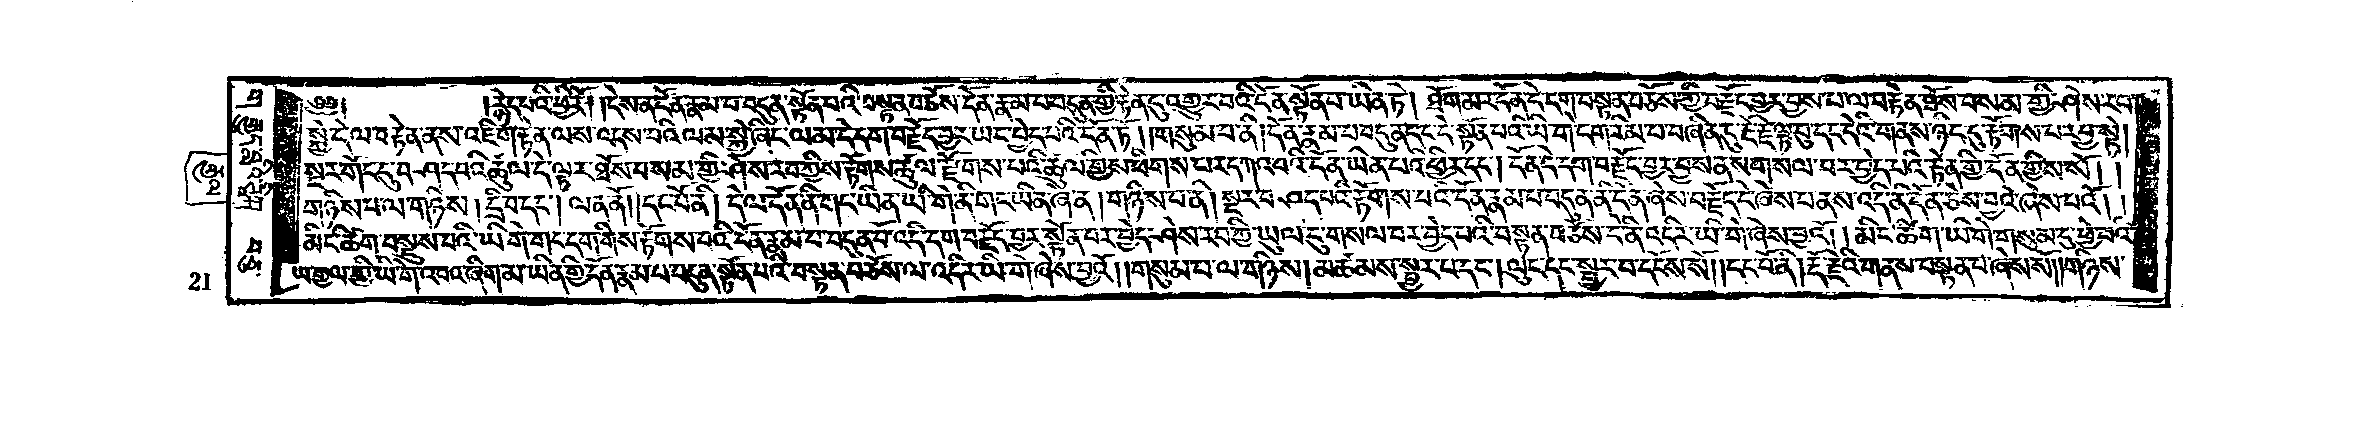༄༅། །རྙེད་པའི་ཕྱིར་རོ། །དེས་ན་དོན་རྣམ་པ་བདུན་སྟོན་པའི་བསྟན་བཅོས་དོན་རྣམ་པ་བདུན་གྱི་རྟེན་དུ་འགྱུར་བའི་དོན་སྟོན་པ་ཡིན་ཏེ། ཐོག་མར་དོན་དེ་དག་བསྟན་བཅོས་ཀྱི་བརྗོད་བྱར་བྱས་པ་ལ་བརྟེན་ཐོས་བསམ་གྱི་ཤེས་རབ་
སྐྱེ་དེ་ལ་བརྟེན་ནས་འཇིག་རྟེན་ལས་འདས་པའི་ལམ་སྐྱེ་ཞིང་ལམ་དེ་དག་བརྗོད་བྱར་ཡང་བྱེད་པའི་དོན་ཏོ། །གསུམ་པ་ནི། དོན་རྣམ་པ་བདུན་དང་དེ་སྟོན་པའི་ཡི་གེ་དག་རིམ་པ་བཞིན་དུ་རྡོ་རྗེ་ལྟ་བུ་དང་དེའི་གནས་ཉིད་དུ་རྟོགས་པར་བྱ་སྟེ།
སྔར་གོང་དུ་བཤད་པའི་ཚུལ་དེ་ལྟར་ཐོས་བསམ་གྱི་ཤེས་རབ་ཀྱིས་རྟོགས་ཚུལ་རྫོགས་པའི་ཚུལ་གྱིས་ཕིགས་པར་དཀའ་བའི་དོན་ཡིན་པའི་ཕྱིར་དང་། དོན་དེ་དག་བརྗོད་བྱར་བྱས་ནས་གསལ་བར་བྱེད་པའི་རྟེན་གྱི་དོན་གྱིས་སོ། །
གཉིས་པ་ལ་གཉིས། དྲི་བ་དང་། ལན་ནོ། །དང་པོ་ནི། དེ་ལ་དོན་ནི་གང་ཡིན་ཡི་གེ་ནི་གང་ཡིན་ཞེ་ན། གཉིས་པ་ནི། སྔར་བཤད་པའི་རྟོགས་པའི་དོན་རྣམ་པ་བདུན་ནི་དོན་ཞེས་བརྗོད་དེ་ཞེས་པ་ནས་འདི་ནི་དོན་ཅེས་བྱའི་ཞེས་པའོ། །
མིང་ཚིག་བསྡུས་པའི་ཡི་གེ་གང་དག་གིས་རྟོགས་པའི་དོན་རྣམ་པ་བདུན་པོ་འདི་དག་བརྗོད་བྱར་སྟོན་པར་བྱེད་ཤེས་རབ་ཀྱི་ཡུལ་དུ་གསལ་བར་བྱེད་པའི་བསྟན་བཅོས་དེ་ནི་འདིར་ཡི་གེ་ཞེས་བྱའོ། །མིང་ཚིག་ཡི་གེ་གསུམ་དུ་ཕྱེ་བའི་
ཡ་གྱལ་གྱི་ཡི་གེ་འབའ་ཞིག་མ་ཡིན་གྱི་དོན་རྣམ་པ་བདུན་སྟོན་པའི་བསྟན་བཅོས་ལ་འདིར་ཡི་གེ་ཞེས་བྱའོ། །གསུམ་པ་ལ་གཉིས། མཚམས་སྦྱར་བ་དང་། ལུང་དང་སྦྱར་བ་དངོས་སོ། །དང་པོ་ནི། རྡོ་རྗེའི་གནས་བསྟན་པ་ཞེས་སོ། །གཉིས་